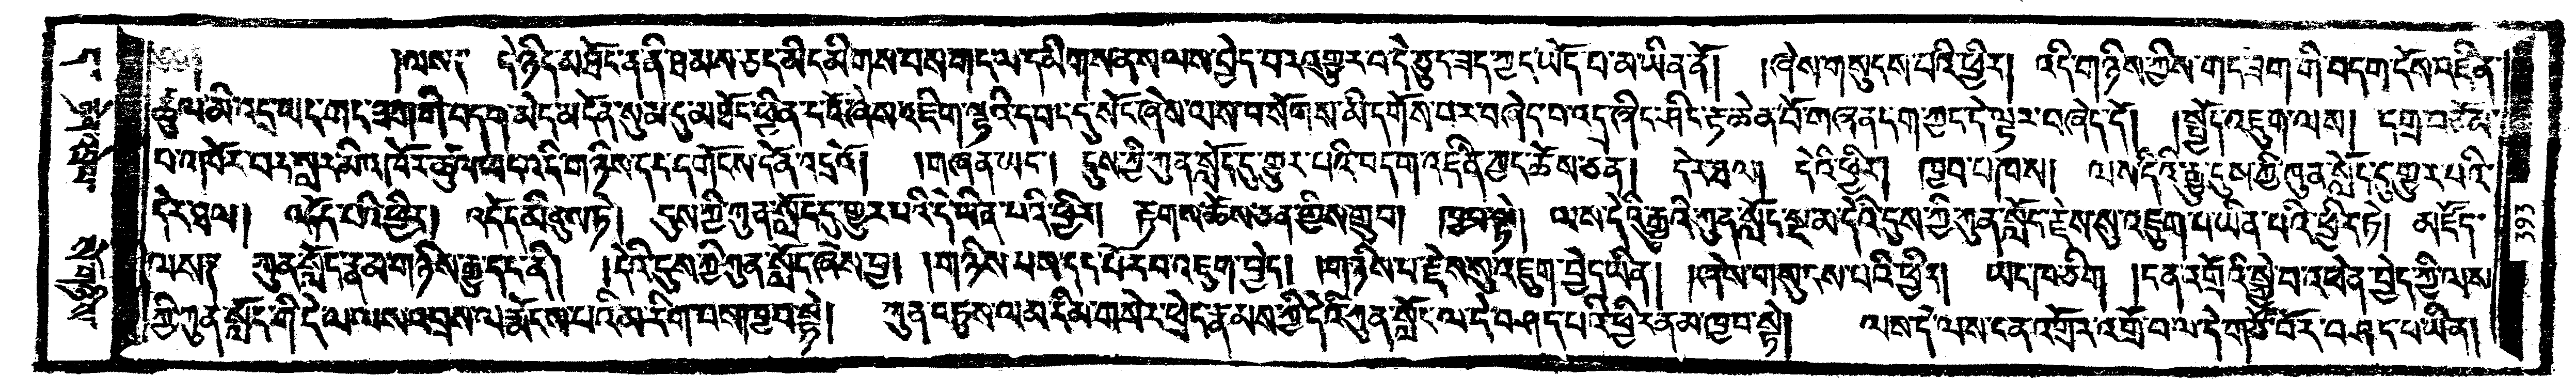༄༅། །ལས༑ དེ་ཉིད་མཐོང་ན་ནི་ཐམས་ཅད་མི་དམིགས་པས་གང་ལ་དམིགས་ནས་ལས་བྱེད་པར་འགྱུར་བ་དེ་ཅུང་ཟད་ཀྱང་ཡོད་པ་མ་ཡིན་ནོ། །ཞེས་གསུངས་པའི་ཕྱིར། འདི་གཉིས་ཀྱིས་གང་ཟག་གི་བདག་ངོས་འཛིན་
ཚུལ་མི་འདྲ་ཡང་གང་ཟག་གི་བདག་མེད་མངོན་སུམ་དུ་མཐོང་ཕྱིན་པའོ་ཞེས་འཇིག་ལྟའི་དབང་དུ་སོང་ཞེས་ལས་བསོགས་མི་དགོས་པར་བཞེད་པ་འདྲ་ཞིང་ཤིང་རྟ་ཆེན་པོ་གཞན་དག་ཀྱང་དེ་ལྟར་བཞེད་དོ། །སྤྱོད་འཇུག་ལས། དགྲ་བཅོམ་
པ་འཁོར་བར་སླར་མི་འཁོར་ཚུལ་ཡང་འདི་གཉིས་དང་དགོངས་དོན་འདྲའོ། །གཞན་ཡང་། དུས་ཀྱི་ཀུན་སློང་དུ་གྱུར་པའི་བདག་འཛིན་ཀྱང་ཆོས་ཅན། དེར་ཐལ། དེའི་ཕྱིར། ཁྱབ་པ་ཁས། ལས་དེའི་རྒྱུ་དུས་ཀྱི་ཀུན་སློང་དུ་གྱུར་པའི་
དེར་ཐལ། འདོད་པའི་ཕྱིར། འདོད་མི་ནུས་ཏེ། དུས་ཀྱི་ཀུན་སློང་དུ་གྱུར་པའི་དེ་ཡིན་པའི་ཕྱིར། རྟགས་ཆོས་ཅན་གྱིས་གྲུབ། ཁྱབ་སྟེ། ལས་དེའི་རྒྱུའི་ཀུན་སློང་སྔ་མ་དེའི་དུས་ཀྱི་ཀུན་སློང་རྗེས་སུ་འཇུག་པ་ཡིན་པའི་ཕྱིར་ཏེ། མཛོད་
ལས༑ ཀུན་སློང་རྣམ་གཉིས་རྒྱུ་དང་ནི། །དེའི་དུས་ཀྱི་ཀུན་སློང་ཞེས་བྱ། །གཉིས་པས་དང་པོ་རབ་འཇུག་བྱེད། །གཉིས་པ་རྗེས་སུ་འཇུག་བྱེད་ཡིན། །ཞེས་གསུངས་པའི་ཕྱིར། ཡང་ཁ་ཅིག །ངན་འགྲོའི་སྐྱེ་བ་འཕེན་བྱེད་ཀྱི་ལས་
ཀྱི་ཀུན་སློང་གི་དེ་ལ་ལས་འབྲས་ལ་རྨོངས་པའི་མ་རིག་པས་ཁྱབ་སྟེ། ཀུན་བཏུས་ལམ་རིམ་གསེར་ཕྲེང་རྣམས་ཀྱི་དེའི་ཀུན་སློང་ལ་དེ་བཤད་པའི་ཕྱིར་ན་མ་ཁྱབ་སྟེ། ལས་དེ་ལས་ངན་འགྲོར་འགྲོ་བ་ལ་དེ་གཙོ་བོར་བཤད་པ་ཡིན།